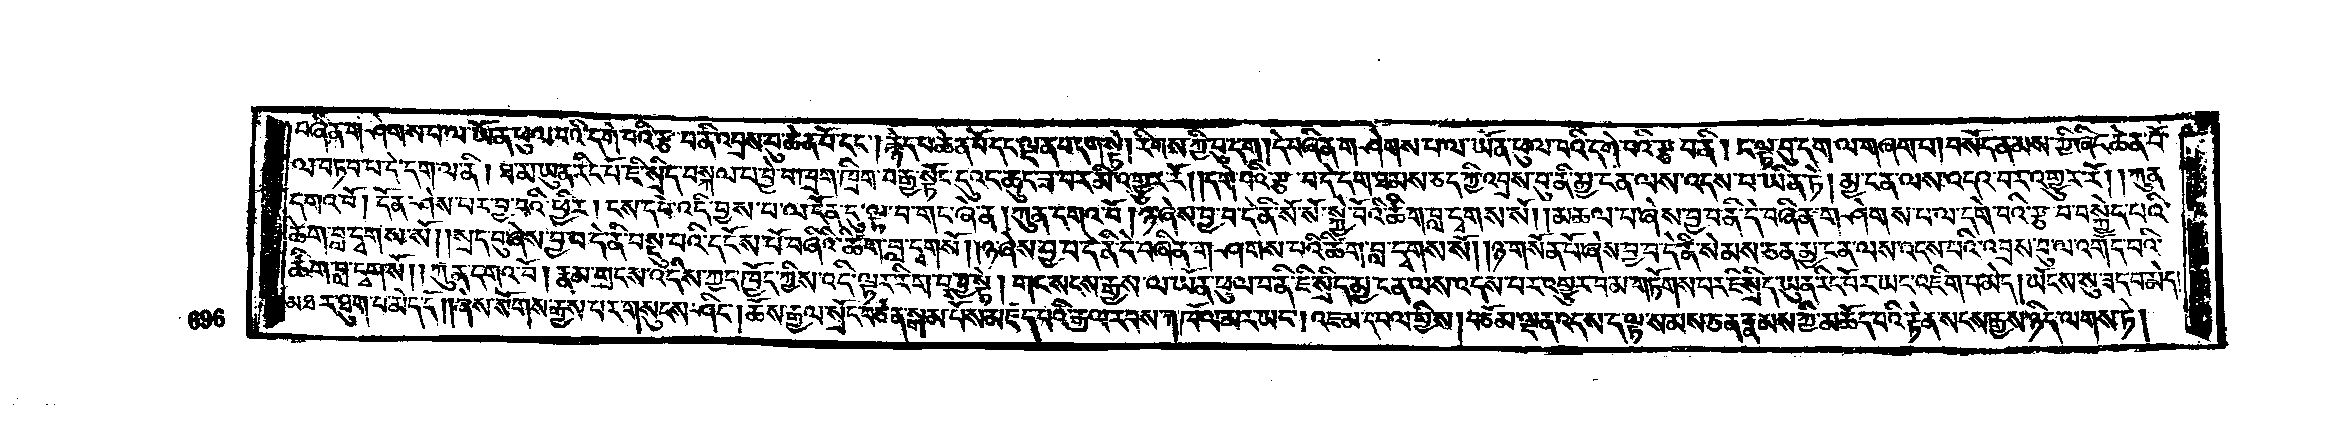བཞིན་གཤེགས་པ་ལ་ཡོན་ཕུལ་བའི་དགེ་བའི་རྩ་བ་ནི་འབྲས་བུ་ཆེན་པོ་དང་། རྙེད་པ་ཆེན་པོ་དང་ལྡན་པ་དག་སྟེ། རིགས་ཀྱི་བུ་དག །དེ་བཞིན་གཤེགས་པ་ལ་ཡོན་ཕུལ་བའི་དགེ་བའི་རྩ་བ་ནི། ད་ལྟ་བུ་དག་ལ་གཞག་པ། བསོད་ནམས་ཀྱི་ཞིང་ཆེན་པོ་
ལ་བཏབ་པ་དེ་དག་ལ་ནི། ཐ་མ་ཡུན་རིང་པོ་ཇི་སྲིད་བསྐལ་པ་བྱེ་བ་ཁྲག་ཁྲིག་བརྒྱ་སྟོང་དུའང་ཆུད་ཟ་བར་མི་འགྱུར་རོ། །དགེ་བའི་རྩ་བ་དེ་དག་ཐམས་ཅད་ཀྱི་འབྲས་བུ་ནི་མྱ་ངན་ལས་འདས་པ་ཡིན་ཏེ། མྱ་ངན་ལས་འདའ་བར་འགྱུར་རོ། །ཀུན་
དགའ་བོ། དོན་ཤེས་པར་བྱ་བའི་ཕྱིར། ངས་དཔེ་འདི་བྱས་པ་ལ་དོན་དུ་ལྟ་བ་གང་ཞེ་ན། ཀུན་དགའ་བོ། ཉ་ཞེས་བྱ་བ་དེ་ནི་སོ་སོ་སྐྱེ་བོའི་ཚིག་བླ་དྭགས་སོ། །མཆལ་པ་ཞེས་བྱ་བ་ནི་དེ་བཞིན་གཤེགས་པ་ལ་དགེ་བའི་རྩ་བ་བསྐྱེད་པའི་
ཆེག་བླ་དྭགས་སོ། །སྲད་བུ་ཞེས་བྱ་བ་དེ་ནི་བསྡུ་པའི་དངོས་པོ་བཞིའི་ཚིག་བླ་དྭགས་སོ། །ཉ་ཞེས་བྱ་བ་དེ་ནི་དེ་བཞིན་གཤགས་པའི་ཚིག་བླ་དྭགས་སོ། །ཉ་གསོན་པོ་ཞེས་བྱ་བ་དེ་ནི་སེམས་ཅན་མྱ་ངན་ལས་འདས་པའི་འབྲས་བུ་ལ་འགོད་པའི་
ཚིག་བླ་དྭགས་སོ། །ཀུན་དགའ་བོ། རྣམ་གྲངས་འདིས་ཀྱང་ཁྱོད་ཀྱིས་འདི་ལྟར་རིག་པར་བྱ་སྟེ། གང་སངས་རྒྱས་ལ་ཡོན་ཕུལ་བ་ནི་ཇི་སྲིད་མྱ་ངན་ལས་འདས་པར་འགྱུར་བ་མ་གཏོགས་པར་ཇི་སྲིད་ཡུན་རིང་པོར་ཡང་འཇིག་པ་མེད། ཡོངས་སུ་ཟད་པ་མེད་
མཐར་ཐུག་པ་མེད་དོ། །ཞེས་སོགས་རྒྱས་པར་གསུངས་ཤིང་། ཆོས་རྒྱལ་སྲོང་བཙན་སྒམ་པོས་མཛད་པའི་རྒྱལ་རབས་ཀ་ཁོལ་མར་ཡང་། འཇམ་དཔལ་གྱིས། བཅོམ་ལྡན་འདས་ད་ལྟ་སེམས་ཅན་རྣམས་ཀྱི་མཆོད་པའི་རྟེན་སངས་རྒྱས་ཉིད་ལགས་ཏེ།